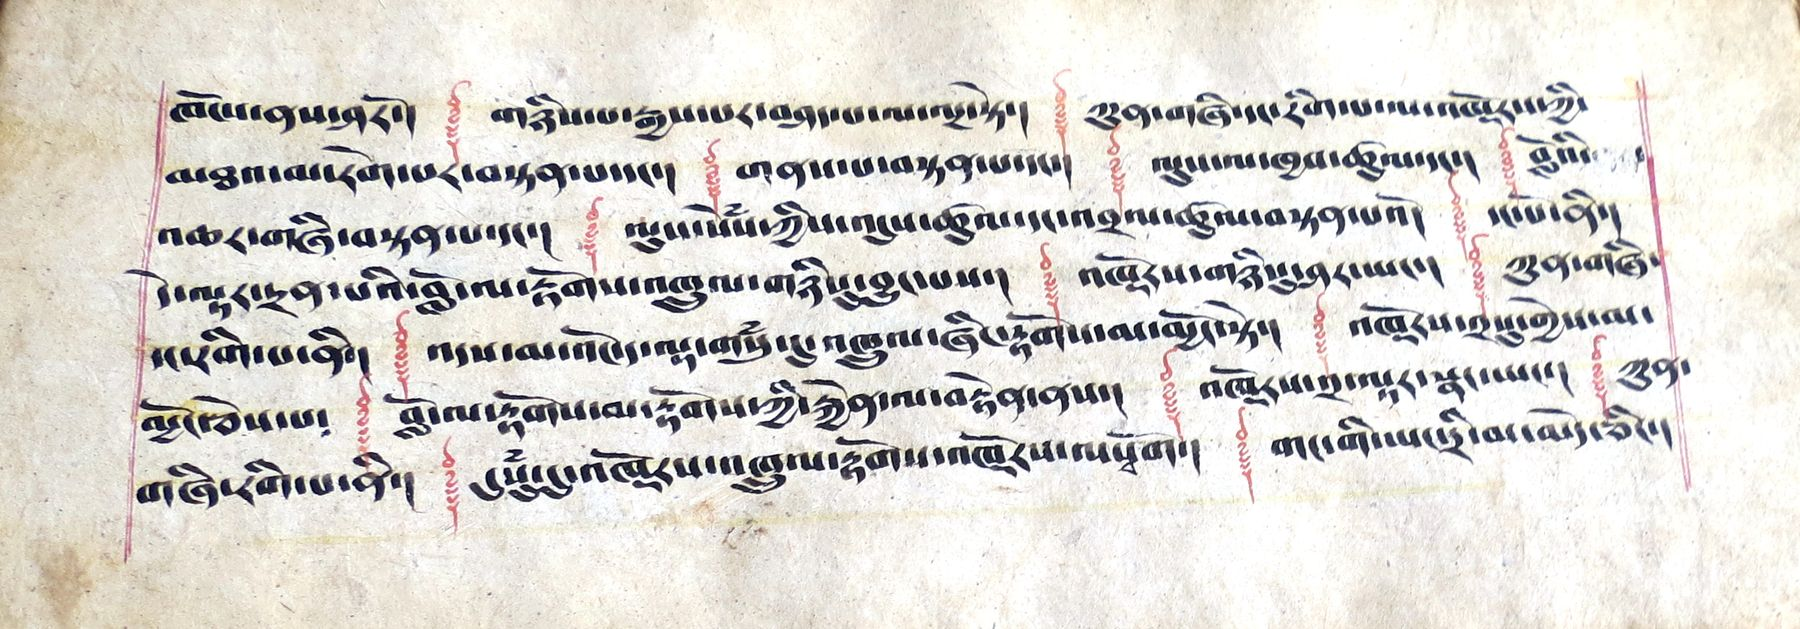ཁོངས་ནས་ཤར་རོ། །གཉིས་པ་རྒྱས་པར་བཤད་པ་ལ་ལྔ་སྟེ། ཀུན་གཞི་དང་རིག་པ་ལ་འཁོར་འདས་ཀྱི་
མཐའ་མ་རེག་པར་བསྟན་པ་དང་། གནས་པ་བསྟན་པ་དང་། ལུས་ལ་ཁྱབ་ཚུལ་དང་། བློའི་
འཆར་གཞིར་བསྟན་པ་དང་། ལུས་སེམས་ཀྱི་འདུ་ཚུལ་དང་འབྲལ་ཚུལ་བསྟན་པའོ། །དང་པོ་ནི་
དེ་ལྟར་དྲན་པའི་བློ་ལས་རྟོགས་འཁྲུལ་གཉིས་སུ་བྱུང་བས། འཁོར་འདས་གཉིས་སུ་ཤར་ཡང་། ཀུན་གཞི་
དང་རིག་པ་ནི། འདས་མ་འོངས་ད་ལྟ་གསུམ་དུ་འཁྲུལ་ཞིང་རྟོགས་མ་མྱོང་སྟེ། འཁོར་འདས་གཉིས་སུ་གྱེས་མ་
མྱོང་། །ཞེས་པས་བློ་ལ་རྟོགས་མ་རྟོགས་ཀྱི་རྐྱེན་ལ་བརྟེན་ནས། འཁོར་འདས་གཉིས་ལྟར་སྣང་ཡང་། ཀུན་
གཞི་དང་རིག་པ་ནི། དུས་གསུམ་དུ་འཁྲུལ་རྟོགས་འཁོར་འདས་ལས་སོགས། གང་གི་ཡང་དྲི་མ་མེད་ཅིང་།